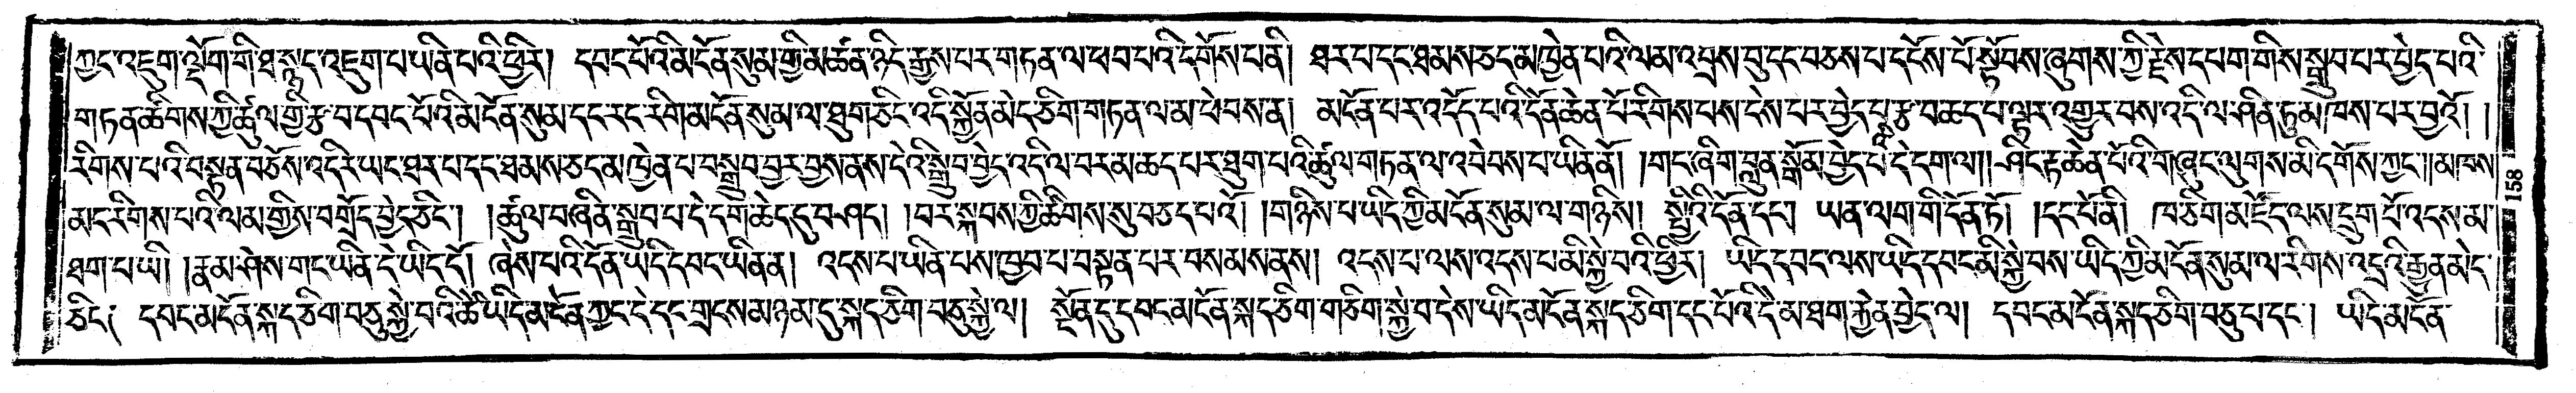ཀྱང་འཇུག་ལྡོག་གི་ཐ་སྙད་འཇུག་པ་ཡིན་པའི་ཕྱིར། དབང་པོའི་མངོན་སུམ་གྱི་མཚན་ཉིད་རྒྱས་པར་གཏན་ལ་ཕབ་པའི་དགོས་པ་ནི། ཐར་པ་དང་ཐམས་ཅད་མཁྱེན་པའི་ལམ་འབྲས་བུ་དང་བཅས་པ་དངོས་པོ་སྟོབས་ཞུགས་ཀྱི་རྗེས་དཔག་གིས་སྒྲུབ་པར་བྱེད་པའི་
གཏན་ཚིགས་ཀྱི་ཚུལ་གྱི་རྩ་བ་དབང་པོའི་མངོན་སུམ་དང་རང་རིག་མངོན་སུམ་ལ་ཐུག་ཅིང་འདི་སྐྱོན་མེད་ཅིག་གཏན་ལ་མ་ཕེབས་ན། མངོན་པར་འདོད་པའི་དོན་ཆེན་པོ་རིགས་པས་ངེས་པར་བྱེད་པའི་རྩ་བ་ཆད་པ་ལྟར་འགྱུར་བས་འདི་ལ་ཤིན་ཏུ་མཁས་པར་བྱའོ། །
རིགས་པའི་བསྟན་བཅོས་འདིར་ཡང་ཐར་པ་དང་ཐམས་ཅད་མཁྱེན་པ་བསྒྲུབ་བྱར་བྱས་ནས་དེའི་སྒྲུབ་བྱེད་འདི་ལ་བར་མ་ཆད་པར་ཐུག་པའི་ཚུལ་གཏན་ལ་འབེབས་པ་ཡིན་ནོ། །གང་ཞིག་བླུན་སྒོམ་བྱེད་པ་དེ་དག་ལ། །ཤིང་རྟ་ཆེན་པོའི་གཞུང་ལུགས་མི་དགོས་ཀྱང་། །མཁས་
མང་རིགས་པའི་ལམ་གྱིས་བགྲོད་བྱེད་ཅིང་། །ཚུལ་བཞིན་སྒྲུབ་པ་དེ་དག་ཆེད་དུ་བཤད། །བར་སྐབས་ཀྱི་ཚིགས་སུ་བཅད་པའོ། །གཉིས་པ་ཡིད་ཀྱི་མངོན་སུམ་ལ་གཉིས། སྤྱིའི་དོན་དང་། ཡན་ལག་གི་དོན་ཏོ། །དང་པོ་ནི། ཁ་ཅིག་མཛོད་ལས་དྲུག་པོ་འདས་མ་
ཐག་པ་ཡི། །རྣམ་ཤེས་གང་ཡིན་དེ་ཡིད་དོ། ཞེས་པའི་དོན་ཡིད་དབང་ཡིན་ན། འདས་པ་ཡིན་པས་ཁྱབ་པ་བསྟན་པར་བསམས་ནས། འདས་པ་ལས་འདས་པ་མི་སྐྱེ་བའི་ཕྱིར། ཡིད་དབང་ལས་ཡིད་དབང་མི་སྐྱེ་བས་ཡིད་ཀྱི་མངོན་སུམ་ལ་རིགས་འདྲའི་རྒྱུན་མེད་
ཅིང་། དབང་མངོན་སྐད་ཅིག་བཅུ་སྐྱེ་བའི་ཚེ་ཡིད་མངོན་ཀྱང་དེ་དང་གྲངས་མཉམ་དུ་སྐད་ཅིག་བཅུ་སྐྱེ་ལ། སྔོན་དུ་དབང་མངོན་སྐད་ཅིག་གཅིག་སྐྱེ་བ་དེས་ཡིད་མངོན་སྐད་ཅིག་དང་པོའི་དེ་མ་ཐག་རྐྱེན་བྱེད་ལ། དབང་མངོན་སྐད་ཅིག་བཅུ་པ་དང་། ཡིད་མངོན་